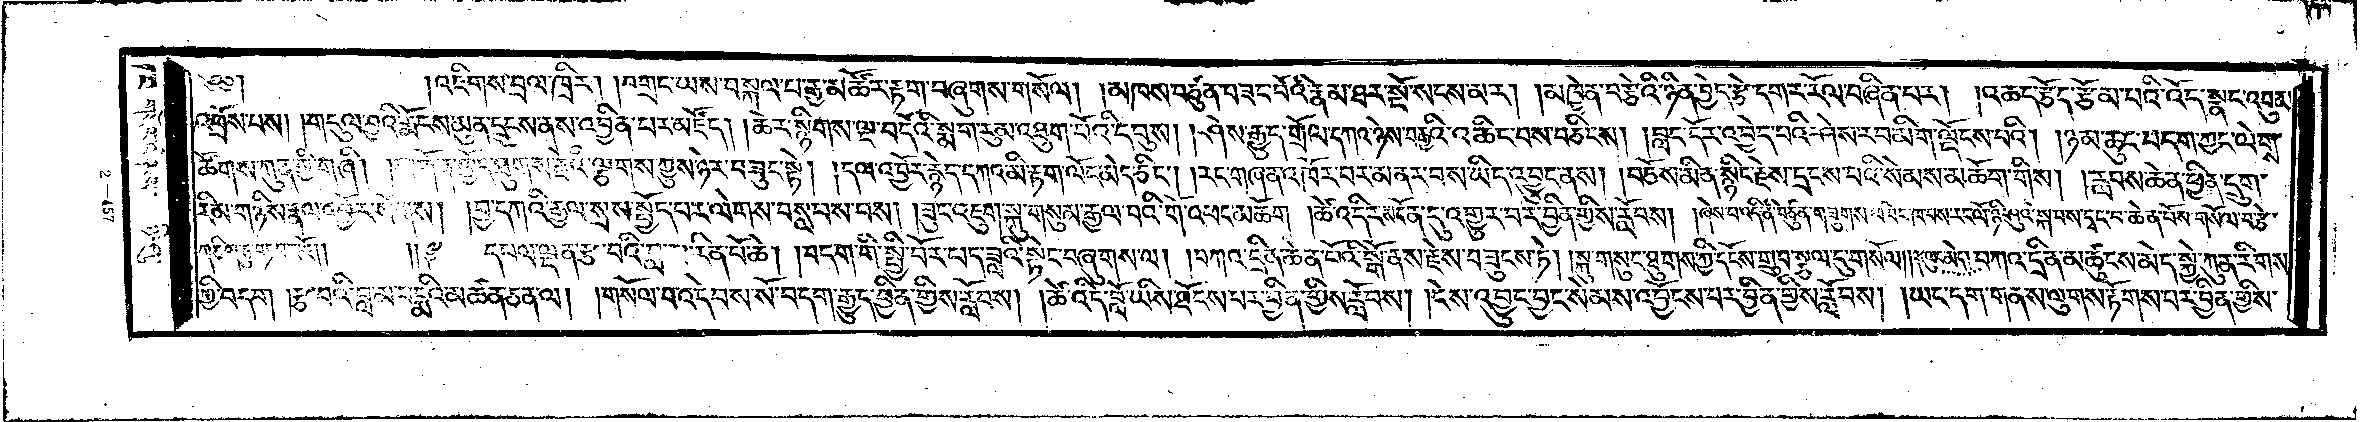༄༅། །འཇིགས་བྲལ་ཁྲིར། །བགྲང་ཡས་བསྐལ་པ་རྒྱ་མཚོར་རྟག་བཞུགས་གསོལ། །མཁས་བཙུན་བཟང་པོའི་རྣམ་ཐར་སྔོ་སངས་མར། །མཁྱེན་བརྩེའི་ཉིན་བྱེད་རྩེ་དགར་རོལ་བཞིན་པར། །འཆད་རྩོད་རྩོམ་པའི་འོད་སྣང་འབུམ་
འཕྲོས་པས། །གདུལ་བྱའི་རྨོངས་མུན་དྲུངས་ནས་འབྱིན་པར་མཛོད། །ཆེར་སྙིགས་ལྔ་བདོའི་སྨག་རུམ་འཐུག་པོའི་དབུས། །ཤེས་རྒྱུད་གྲོལ་དཀའ་ཉེས་བརྒྱའི་འཆིང་བས་བཅིངས། །བླང་དོར་འབྱེད་པའི་ཤེས་རབ་མིག་ལྡོངས་པའི། །ཉམ་ཆུང་བདག་ཀྱང་ལེགས་
ཚོགས་ཀུན་གྱི་གཞི། །མགོན་ཁྱོད་ཐུགས་རྗེའི་ལྕགས་ཀྱུས་ཉེར་བཟུང་སྟེ། །དལ་འབྱོར་རྙེད་དཀའ་མི་རྟག་ལོང་མེད་ཅིང་། །རང་གཞན་འཁོར་བར་མནར་བས་ཡིད་འབྱུང་ནས། །བཅོས་མིན་སྙིང་རྗེས་དྲངས་པའི་སེམས་མཆོག་གིས། །རླབས་ཆེན་ཕྱིན་དྲུག་
རིམ་གཉིས་རྣལ་འབྱོར་སོགས། །བྱ་དཀའི་རྒྱལ་སྲས་སྤྱོད་པར་ལེགས་བསླབས་པས། །ཟུང་འཇུག་སྐུ་གསུམ་རྒྱལ་བའི་གོ་འཕང་མཆོག །ཚེ་འདིར་མངོན་དུ་འགྱུར་བར་བྱིན་གྱིས་རློབས། །ཞེས་པ་འདི་ནི་བཙུན་གཟུགས་ཕ་འོང་ཁ་པས་རང་ལོ་ཉི་ཤུའི་སྐབས་དྭང་བ་ཆེན་པོས་གསོལ་བ་རྩེ་
གཅིག་ཏུ་བཏབ་པའོ།། །།༈ དཔལ་ལྡན་རྩ་བའི་བླ་མ་རིན་པོ་ཆེ། །བདག་གི་སྤྱི་བོར་པད་ཟླའི་སྟེང་བཞུགས་ལ། །བཀའ་དྲིན་ཆེན་པོའི་སྒོ་ནས་རྗེས་བཟུངས་ཏེ། །སྐུ་གསུང་ཐུགས་ཀྱི་དངོས་གྲུབ་སྩལ་དུ་གསོལ། །༈ ལུང་མེད། བཀའ་དྲིན་མཚུངས་མེད་སྐྱེ་ཀུན་རིགས་
ཀྱི་བདག །རྩ་བའི་བླ་མ་པདམའི་མཚན་ཅན་ལ། །གསོལ་བ་འདེབས་སོ་བདག་རྒྱུད་ཕྱིན་གྱིས་རློབས། །ཚེ་འདི་བློ་ཡིས་ཐོངས་པར་བྱིན་གྱིས་རློབས། །ངེས་འབྱུང་བྱང་སེམས་འབྱོངས་པར་བྱིན་གྱིས་རློབས། །ཡང་དག་གནས་ལུགས་རྟོགས་པར་བྱིན་གྱིས་